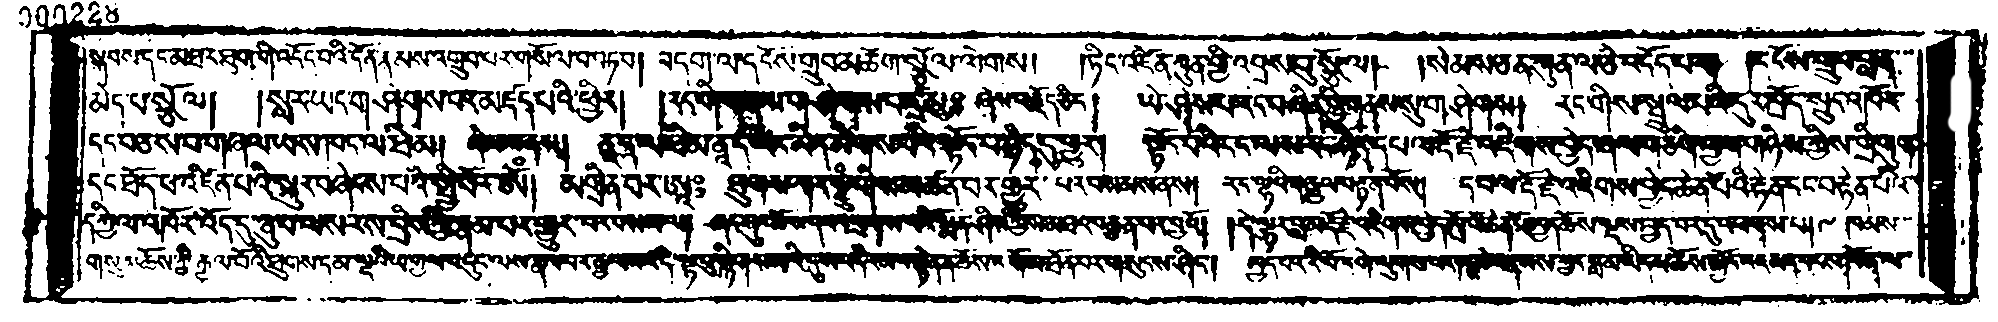སྐབས་དང་མཐར་ཐུག་གི་འདོད་པའི་དོན་རྣམས་འགྲུབ་པར་གསོལ་བ་བཏབ། བདག་ལ་དངོས་གྲུབ་མཆོག་སྩོལ་ལེགས། །ཏིང་འཛིན་ཀུན་གྱི་འབྲས་བུ་སྩོལ། །སེམས་ཅན་ཀུན་ལ་ཅི་འདོད་པར། །དངོས་གྲུབ་བླ་ན་
མེད་པ་སྩོལ། །སླར་ཡང་གཤེགས་པར་མཛད་པའི་ཕྱིར། །རང་གི་གནས་གཤེགས་བཛྲ་མུཿ ཞེས་བརྗོད་ཅིང་། ཡེ་ཤེས་པ་རང་བཞིན་གྱི་གནས་སུ་གཤེགས། རང་གིས་སྤྲུལ་པའི་དུར་ཁྲོད་སྲུང་འཁོར་
དང་བཅས་པ་གཞལ་ཡས་ཁང་ལ་ཐིམ། ཞེས་པ་ནས། ནཱ་ད་ལ་ཐིམ་ནཱ་ད་ཡང་མི་དམིགས་པའི་སྟོང་པ་ཉིད་དུ་གྱུར། སྟོང་པའི་ངང་ལས་རང་ཉིད་དཔལ་རྡོ་རྗེ་འཇིགས་བྱེད་ཞལ་གཅིག་ཕྱག་གཉིས་ཀྱིས་གྲི་གུག་
དང་ཐོད་པ་འཛིན་པའི་སྐུར་བཞེངས་པའི་སྤྱི་བོར་ཨོཾ། མགྲིན་པར་ཨཱཿ ཐུགས་ཀར་ཧཱུཾ་གིས་མཚན་པར་གྱུར་པར་བསམས་ནས། རང་ལྷའི་ང་རྒྱལ་བརྟན་པོས། དཔལ་རྡོ་རྗེ་འཇིགས་བྱེད་ཆེན་པོའི་རྟེན་དང་བརྟེན་པའི་
དཀྱིལ་འཁོར་འོད་དུ་ཞུ་བ་ལས་རས་བྲིས་ཀྱི་རྣམ་པར་གྱུར་པར་བསམ་ལ། ཞང་ཞུང་ཆོས་དབང་གྲགས་པའི་སྨོན་ཤིས་ཀྱིས་མཐའ་བརྒྱན་པར་བྱའོ། །དེ་ལྟར་བླ་མ་རྡོ་རྗེ་འཇིགས་བྱེད་ཁྲོ་བོ་ཆེན་པོ་ཁྱད་ཆོས་ལྔས་ཁྱད་པར་དུ་འཕགས་པ། ༧ཁམས་
གསུམ་ཆོས་ཀྱི་རྒྱལ་པོའི་ཐུགས་དམ་ལྔའི་ཡ་གྱལ་བདུད་ལས་རྣམ་པར་རྒྱལ་བ་འདི་ལྟ་བུ་སྙིགས་མའི་དུས་འདིར་མ་བསྟེན་ན་ཆོས་འགོ་མཐོན་པར་གསུངས་ཤིང་། ཁྱད་པར་རི་བོ་དགེ་ལུགས་པར་ཁས་ཆེ་བ་རྣམས་ཀྱང་བླ་མ་ཡི་དམ་ཆོས་སྐྱོང་འཇམ་དབྱངས་ཁོ་ན་ལ་